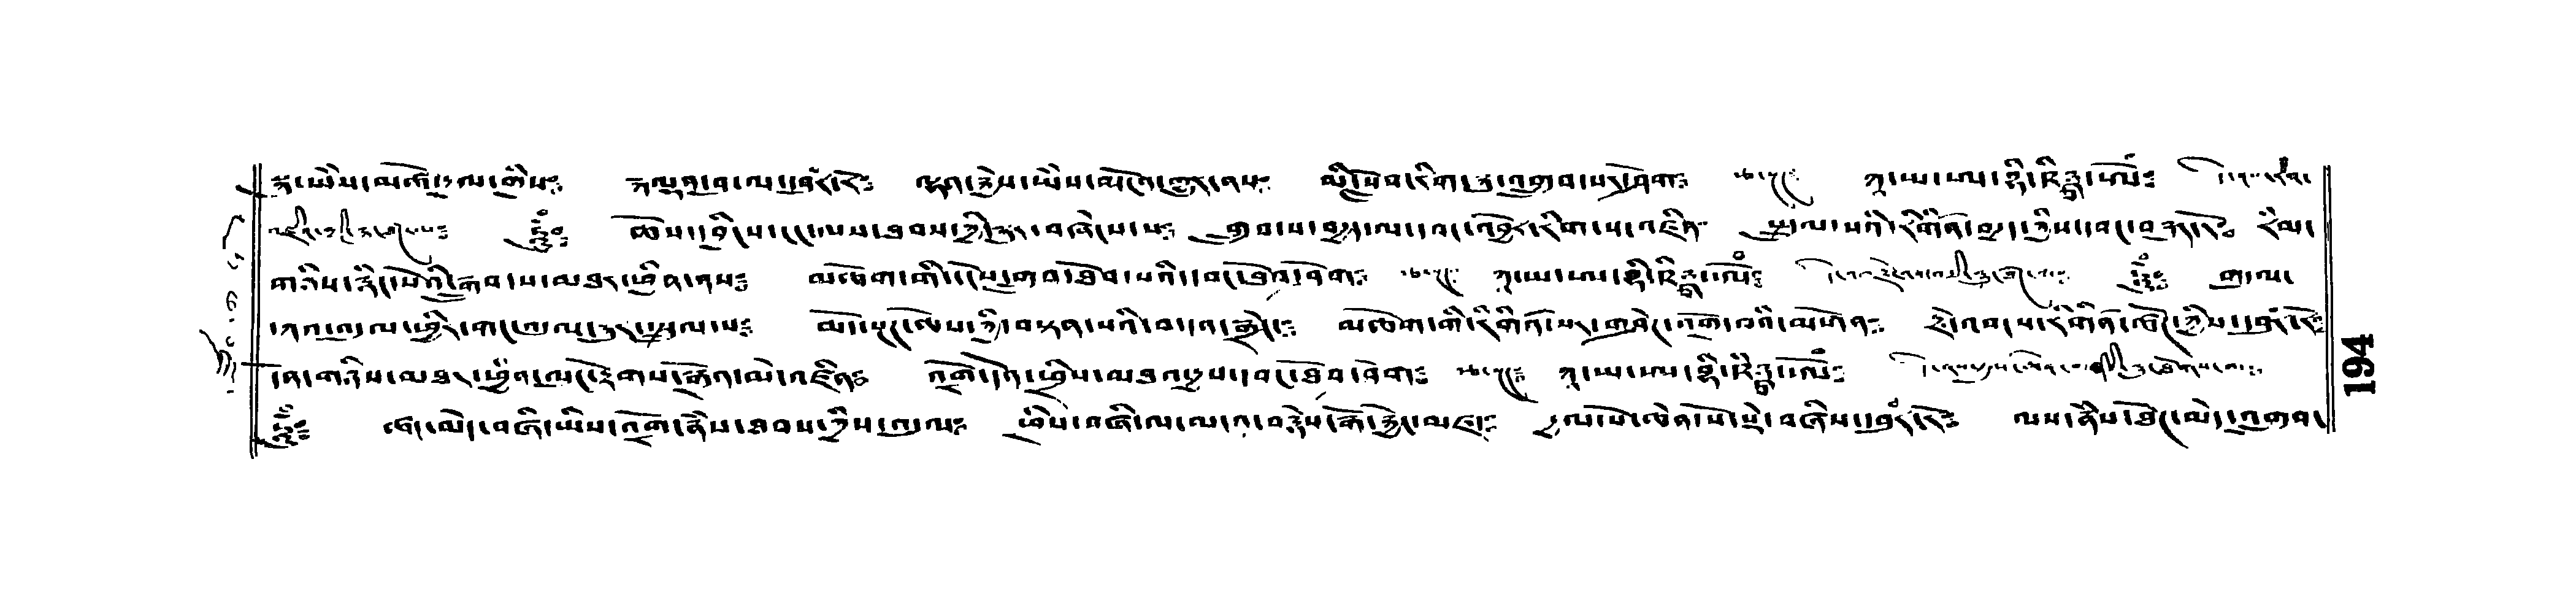སྐུ་ཡེ་ཤེས་མཚོ་རྒྱལ་གྱིས༔ སྐལ་ལྡན་བུ་ལ་དབང་བསྐུར་རོ༔ ལྷན་སྐྱེས་ཡེ་ཤེས་མངོན་གྱུར་ནས༔ མི་སློབ་རིག་སྐུ་འགྲུབ་པར་ཤོག༔ རྩ་སྔགས༔ ཀཱ་ཡ་ཨ་བྷི་རིཉྩ་ཨོཾ༔ དེ་ནས་རིག་
འཛིན་གྱི་སྐུ་ཐོགས་ལ༔ ཧཱུྃ༔ ཆོས་དབྱིངས་ངང་ལས་ཐབས་ཀྱི་སྐུར་བཞེངས་པ༔ གྲུབ་པ་བརྒྱད་ལ་དབང་འབྱོར་རིག་པ་འཛིན༔ སྤྲུལ་པའི་རིག་འཛིན་བརྒྱད་ཀྱིས་དབང་བསྐུར་རོ༔ རིམ་
གཉིས་སྙིང་པོའི་སྒྲུབ་པ་མཐར་ཕྱིན་ནས༔ མཆོག་གི་དངོས་གྲུབ་འཐོབ་པའི་དབང་ཐོབ་ཤོག༔ རྩ་སྔགས༔ ཀཱ་ཡ་ཨ་བྷི་རིཉྩ་ཨོཾ༔ དེ་ནས་རྗེ་འབངས་ཀྱི་སྐུ་ཐོགས་ལ༔ ཧཱུྃ༔ གདུལ་
དཀའ་འདུལ་ཕྱིར་གང་འདུལ་སྐུར་སྤྲུལ་པ༔ མདོ་སྔགས་ཆོས་ཀྱི་བསྟན་པའི་བ་གདན་སྒྲེང༔ མཆོག་གི་རིག་འཛིན་སར་གཤེགས་འགྲོ་བའི་མགོན༔ རྗེ་འབངས་རིག་འཛིན་ཚོགས་ཀྱིས་དབང་བསྐུར་རོ༔
དོན་གཉིས་མཐར་ཕྱིན་ལུང་རྟོགས་སྒྲོན་མེ་འཛིན༔ འགྲོ་དོན་ཕྲིན་ལས་མཐའ་རྒྱས་དབང་འཐོབ་ཤོག༔ རྩ་སྔགས༔ ཀཱ་ཡ་ཨ་བྷི་རིཉྩ་ཨོཾ༔ དེ་ནས་རྒྱལ་ཆེན་བཞིའི་སྐུ་ཐོགས་ལ༔ 
ཧཱུྃ༔ ཚད་མེད་བཞི་ཡིས་འགྲོ་རྣམས་ཐབས་ཀྱི་འདུལ༔ ཕྲིན་ལས་བཞི་ལ་མངའ་བརྙེས་སྒོ་སྐྱོང་མཛད༔ རྒྱལ་པོ་ཆེན་པོ་སྡེ་བཞིས་དབང་བསྐུར་རོ༔ ལས་རྣམས་ཐོགས་མེད་འགྲུབ་